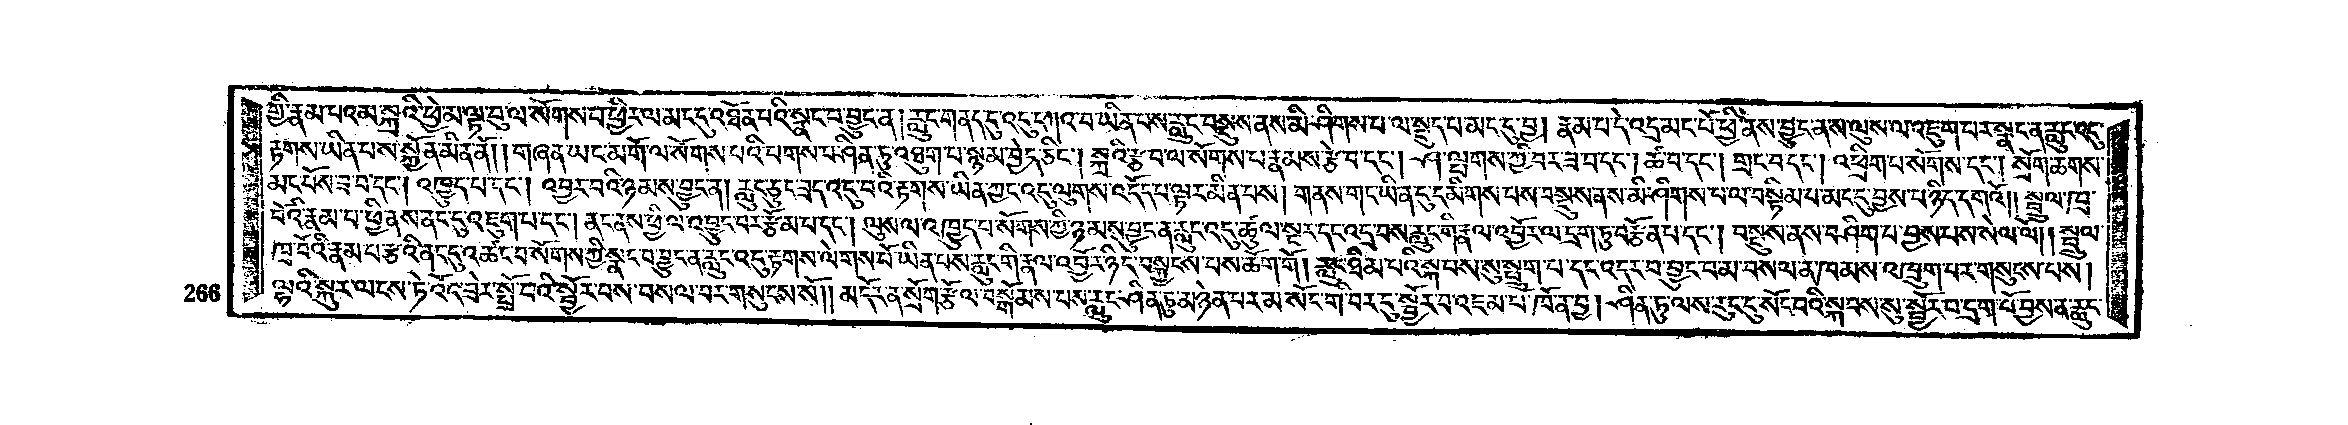གྱི་རྣམ་པའམ་སྐྲའི་ཕྱེ་མ་ལྟ་བུ་ལ་སོགས་པ་ཕྱིར་ལ་མང་དུ་འཐོན་པའི་སྣང་བ་བྱུང་ན། རླུང་གནད་དུ་འདུ་དཀའ་བ་ཡིན་པས་རླུང་བསྡུས་ནས་མི་ཤིགས་པ་ལ་སྡུད་པ་མང་དུ་བྱ། རྣམ་པ་དེ་འདྲ་མང་པོ་ཕྱི་ནས་བྱུང་ནས་ལུས་ལ་འཇུག་པར་སྣང་ན་རླུང་འདུ་
རྟགས་ཡིན་པས་སྐྱོན་མིན་ནོ། །གཞན་ཡང་མགོ་ལ་སོགས་པའི་པགས་པ་ཤིན་ཏུ་འཐུག་པ་སྙམ་བྱེད་ཅིང་། སྐྲའི་རྩ་བ་ལ་སོགས་པ་རྣམས་རྩེ་བ་དང་། ཤ་ལྤགས་ཀྱི་བར་ཟ་བ་དང་། ཚ་བ་དང་། གྲང་བ་དང་། འཕྲིག་པ་སོགས་དང་། སྲོག་ཆགས་
མང་པོས་ཟ་བ་དང་། འཁྱུད་པ་དང་། འབྱར་བའི་ཉམས་བྱུང་ན། རླུང་ཅུང་ཟད་འདུ་བའི་རྟགས་ཡིན་ཀྱང་འདུ་ལུགས་འདོད་པ་ལྟར་མིན་པས། གནས་གང་ཡིན་དུ་དམིགས་པས་བསྡུས་ནས་མི་ཤིགས་པ་ལ་བསྟིམ་པ་མང་དུ་བྱས་པ་ཉིད་དགའོ། །སྤྲུལ་ཁྲ་
བོའི་རྣམ་པ་ཕྱི་ནས་ནང་དུ་འཇུག་པ་དང་། ནང་ནས་བྱའི་?་འབྱུང་བར་རྩོམ་པ་དང་། ལུས་ལ་འཁྱུད་པ་སོགས་ཀྱི་ཉམས་བྱུང་ན་རླུང་འདུ་ཚུལ་སྔར་དང་འདྲ་བས་རླུང་གི་རྣལ་འབྱོར་ལ་དྲག་ཏུ་བརྩོན་པ་དང་། བསྡུས་ནས་བཤིག་པ་བྱས་པས་སེལ་ལོ། །སྦྲུལ་
ཁྲ་བོའི་རྣམ་པ་རྩའི་ནང་དུ་འཚང་བ་སོགས་ཀྱི་སྣང་བ་བྱུང་ན་རླུང་འདུ་རྟགས་ལེགས་པོ་ཡིན་པས་རླུང་གི་རྣལ་འབྱོར་ཉིད་བསྐྱངས་པས་ཆོག་གོ །རླུང་ཐིམ་པའི་སྐབས་སུ་སྤྲུག་པ་དང་འདར་བ་བྱུང་བ་མ་བསལ་ན་ཁམས་འཁྲུག་པར་གསུངས་པས།
ལྷའི་སྐུར་ལངས་ཏེ་འོད་ཟེར་སྤྲོ་བའི་སྦྱོར་བས་བསལ་བར་གསུངས་སོ། །མདོར་ན་སྲོག་རྩོལ་བསྒོམས་པས་རླུང་ཤིན་ཏུ་མཉེན་པར་མ་སོང་གི་བར་དུ་སྦྱོར་བ་འཇམ་པ་ཁོ་ན་བྱ། ཤིན་ཏུ་ལས་རུང་དུ་སོང་བའི་སྐབས་སུ་སྦྱོར་བ་དྲག་པོ་བྱས་ན་རླུང་